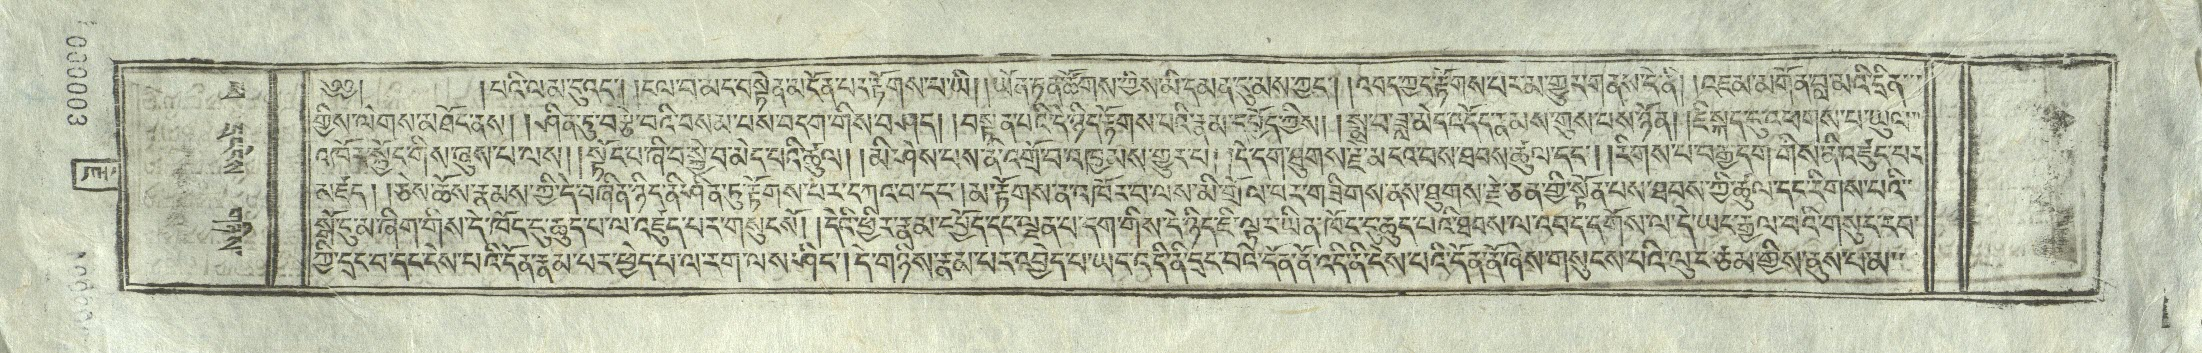༄༅། །པའི་ལམ་དུའང་། །ངལ་བ་མང་བསྟེན་མངོན་པར་རྟོགས་པ་ཡི། །ཡོན་ཏན་ཚོགས་ཀྱིས་མི་དམན་དུ་མས་ཀྱང་། །འབད་ཀྱང་རྟོགས་པར་མ་གྱུར་གནས་དེ་ནི། །འཇམ་མགོན་བླ་མའི་དྲིན་
གྱིས་ལེགས་མཐོང་ནས། །ཤིན་ཏུ་བརྩེ་བའི་བསམ་པས་བདག་གིས་བཤད། །བསྟན་པའི་དེ་ཉིད་རྟོགས་པའི་རྣམ་དཔྱོད་ཀྱིས། །སྨྲ་བ་ཟླ་མེད་འདོད་རྣམས་གུས་པས་ཉོན། །ཇི་སྐད་དུ་འཕགས་པ་ཡུལ་
འཁོར་སྐྱོང་གིས་ཞུས་པ་ལས། སྟོང་པ་ཞི་བ་སྐྱེ་བ་མེད་པའི་ཚུལ། །མི་ཤེས་པས་ནི་འགྲོ་བ་འཁྱམས་གྱུར་པ། །དེ་དག་ཐུགས་རྗེ་མངའ་བས་ཐབས་ཚུལ་དང་། །རིགས་པ་བརྒྱ་དག་གིས་ནི་འཛུད་པར་
མཛད། །ཅེས་ཆོས་རྣམས་ཀྱི་དེ་བཞིན་ཉིད་ནི་ཤིན་ཏུ་རྟོགས་པར་དཀའ་བ་དང་། མ་རྟོགས་ན་འཁོར་བ་ལས་མི་གྲོལ་བར་གཟིགས་ནས་ཐུགས་རྗེ་ཅན་གྱི་སྟོན་པས་ཐབས་ཀྱི་ཚུལ་དང་རིགས་པའི་
སྒོ་དུ་མ་ཞིག་གིས་དེ་ཁོང་དུ་ཆུད་བ་ལ་འཛུད་པར་གསུངས་སོ། །དེའི་ཕྱིར་རྣམ་དཔྱོད་དང་ལྡན་པ་དག་གིས་དེ་ཉིད་ཇི་ལྟར་ཡིན་ཁོང་དུ་ཆུད་པའི་ཐབས་ལ་འབད་དགོས་ལ་དེ་ཡང་རྒྱལ་བའི་གསུང་རབ་
ཀྱི་དྲང་བ་དང་ངེས་པའི་དོན་རྣམ་པར་ཕྱེད་པ་ལ་རག་ལས་ཤིང་། དེ་གཉིས་རྣམ་པར་འབྱེད་པ་ཡང་འདི་ནི་དྲང་བའི་དོན་ནོ་འདི་ནི་ངེས་པའི་དོན་ནོ་ཞེས་གསུངས་པའི་ལུང་ཙམ་གྱིས་ནུས་པ་མ་